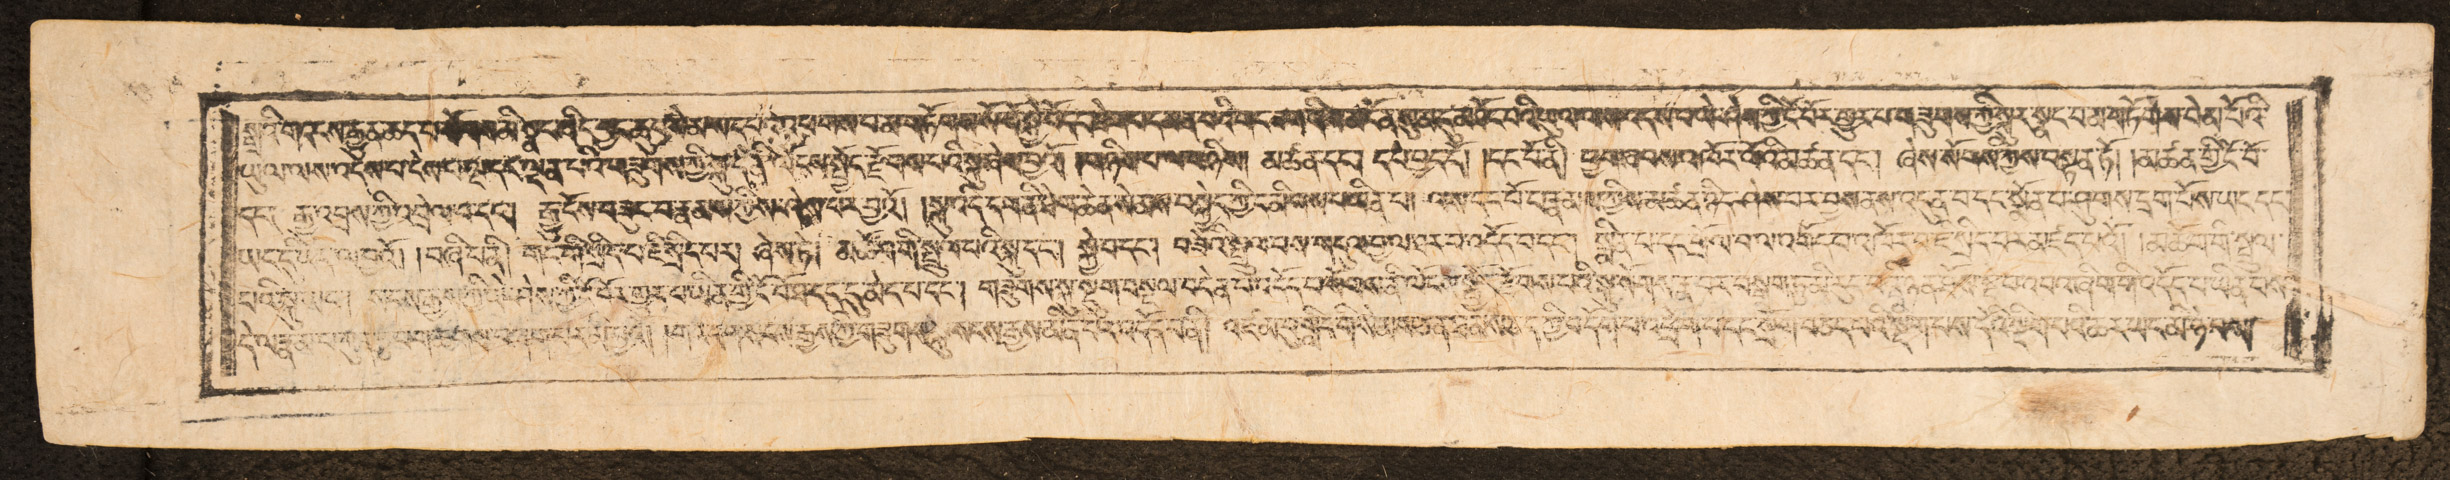སྒྲའི་གདངས་རྒྱུན་ཆད་པ་སོགས་མི་སྣང་ཞིང་བྱང་ཆུབ་སེམས་དཔའ་འཕགས་པ་མ་གཏོགས་སོ་སོ་སྐྱེ་བོ་དང་། ཐེག་པ་དམན་པའི་གང་ཟག་གིས་མངོན་སུམ་དུ་མཐོང་བའི་ཡུལ་ལས་འདས་པ་ཡེ་ཤེས་ཀྱི་ངོ་བོར་གྱུར་པ་གཟུགས་ཀྱི་སྐུར་སྣང་བ་མ་གཏོགས་བེམ་པོའི་
ཡུལ་ལས་འདས་པ་ངེས་པ་ལྔ་དང་ལྡན་པའི་གཟུགས་ཀྱི་སྐུ་དེ་ནི་ལོངས་སྤྱོད་རྫོགས་པའི་སྐུ་ཞེས་བྱའོ། །གཉིས་པ་ལ་གཉིས། མཚན་དང་། དཔེ་བྱད་དོ། །དང་པོ་ནི། ཕྱག་ཞབས་འཁོར་ལོའི་མཚན་དང་། ཞེས་སོགས་ཀྱིས་བསྟན་ཏོ། །མཚན་གྱི་ངོ་བོ་
དང་། རྒྱུ་འབྲས་ཀྱི་འབྲེལ་བ་དང་། རྒྱུ་ངོས་བཟུང་བ་རྣམས་ཀྱིས་ཤེས་པར་བྱའོ། །སྐུ་འདི་དག་ནི་ཐེག་ཆེན་སེམས་བསྐྱེད་ཀྱི་དམིགས་པ་ཡིན་པ། ལས་དང་པོ་པ་རྣམས་ཀྱིས་མཚན་ཉིད་ཤེས་པར་བྱས་ནས་འདུན་པ་དང་སྨོན་པ་ཤུགས་དྲག་པོས་ཡང་དང་
ཡང་དུ་ཡིད་ལ་བྱའོ། །བཞི་པ་ནི། གང་གི་སྲིད་པ་ཇི་སྲིད་པར། ཞེས་ཏེ། མཆོག་གི་སྤྲུལ་པའི་སྐུ་དང་། སྐྱེ་བ་དང་། བཟོའི་སྤྲུལ་པས་གདུལ་བྱ་ལ་ཐར་པ་འདོད་པ་དང་། སྨིན་པ་དང་གྲོལ་བ་ལ་འགོད་པ་འཁོར་བ་ཇི་སྲིད་པར་མཛད་པའོ། །མཆོག་གི་སྤྲུལ་
པའི་སྐུ་ཡང་། སངས་རྒྱས་ཀྱི་ཡེ་ཤེས་ཀྱི་ངོ་བོར་གྱུར་པ་ཡིན་གྱི་ངོ་བོ་ཐ་དད་དུ་མེད་པ་དང་། གཟུགས་སྐུ་སྡུག་བསྔལ་བདེན་པ་འདོད་པ་སོགས་ནི་ལོངས་སྤྱོད་རྫོགས་པའི་སྐུ་སོགས་རྣ་བར་བསྒྲག་ཏུ་མི་རུང་བའི་ཉན་ཐོས་སྡེ་པ་འབའ་ཞིག་གི་འདོད་པ་ཡིན་པས་
དེ་ལ་རྣམ་པ་ཀུན་ཏུ་བག་ཆགས་བཞག་པར་མི་བྱའོ། །གང་དག་སངས་རྒྱས་ཀྱི་གཟུགས་སྐུ་སངས་རྒྱས་མིན་པར་འདོད་པ་ནི། འཛམ་བུ་གླིང་གི་སེམས་ཅན་ཐམས་ཅད་ཀྱི་བདོག་པ་འཕྲོག་པ་དང་སྲོག་བཅད་པའི་སྡིག་པས་དེའི་སྡིག་པའི་ཆར་ཡང་མི་ཉེ་བས། །